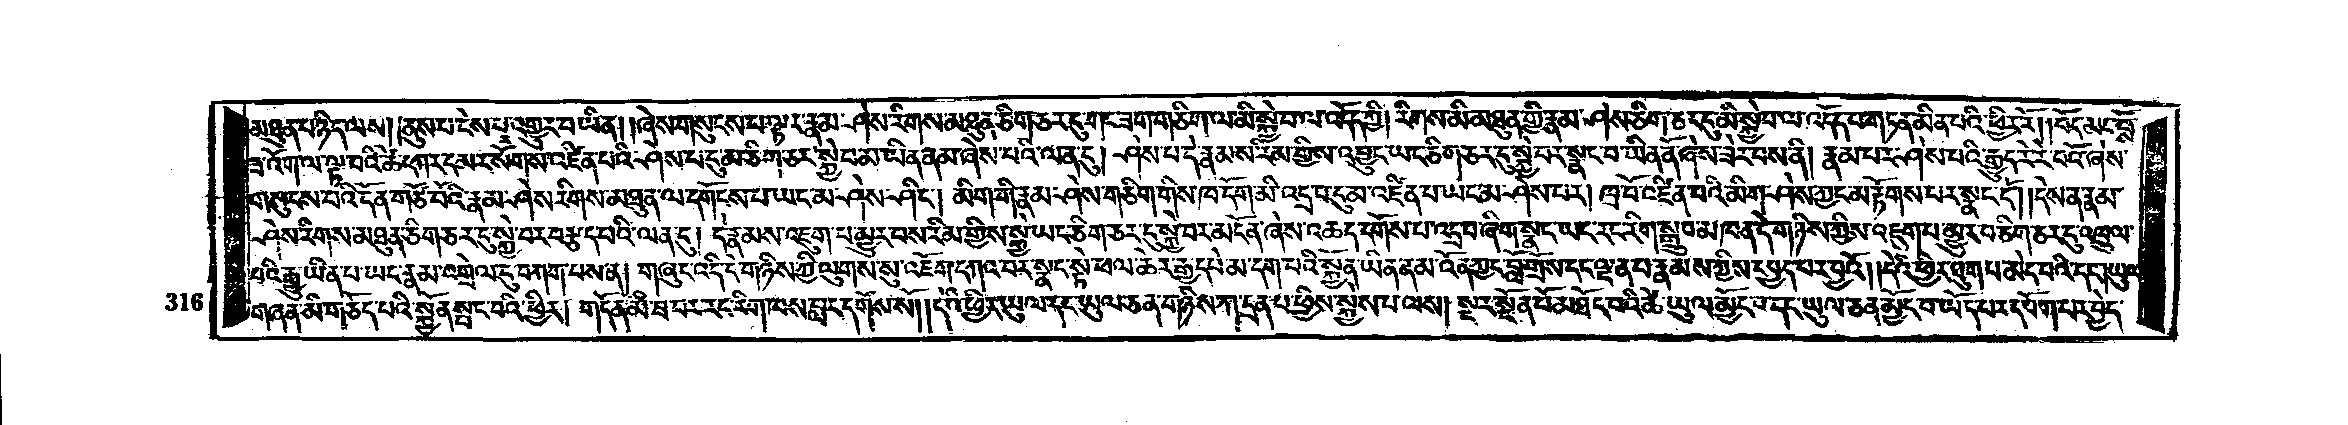མཐུན་པ་ཉིད་ལས། །ནུས་པ་ངེས་པར་འགྱུར་བ་ཡིན། །ཞེས་གསུངས་པ་ལྟར་རྣམ་ཤེས་རིགས་མཐུན་ཅིག་ཅར་དུ་གང་ཟག་གཅིག་ལ་མི་སྐྱེ་བ་ལ་འདོད་ཀྱི། རིགས་མི་མཐུན་གྱི་རྣམ་ཤེས་ཅིག་ཅར་དུ་མི་སྐྱེ་བ་ལ་འདོད་པ་གཏན་མིན་པའི་ཕྱིར་རོ། །བོད་མང་པོས་
ཟ་འོག་ལ་ལྟ་བའི་ཚེ་དཀར་དམར་སོགས་འཛིན་པའི་ཤེས་པ་དུ་མ་ཅིག་ཅར་སྐྱེ་བ་མ་ཡིན་ནམ་ཞེས་པའི་ལན་དུ། ཤེས་པ་དེ་རྣམས་རིམ་གྱིས་འབྱུང་ཡང་ཅིག་ཅར་དུ་སྐྱེ་བར་སྣང་བ་ཡིན་ནོ་ཞེས་ཟེར་བས་ནི། རྣམ་པར་ཤེས་པའི་རྒྱུད་རེ་རེ་བའོ་ཞེས་
གསུངས་པའི་དོན་གཙོ་བོའི་རྣམ་ཤེས་རིགས་མཐུན་ལ་དགོངས་པ་ཡང་མ་ཤེས་ཤིང་། མིག་གི་རྣམ་ཤེས་གཅིག་གིས་ཁ་དོག་མི་འདྲ་བ་དུ་མ་འཛིན་པ་ཡང་མ་ཤེས་པར། ཁྲ་བོ་འཛིན་པའི་མིག་ཤེས་ཀྱང་མ་རྟོགས་པར་སྣང་ངོ། །དེས་ན་རྣམ་
ཤེས་རིགས་མཐུན་ཅིག་ཅར་དུ་སྐྱེ་བར་བརྩད་པའི་ལན་དུ། དེ་རྣམས་འཇུག་པ་མྱུར་བས་རིམ་གྱིས་སྐྱེ་ཡང་ཅིག་ཅར་དུ་སྐྱེ་བར་མངོན་ཞེས་འཆད་དགོས་པ་འདྲ་བ་ཞིག་སྣང་ཡང་རང་རིག་སྒྲུབ་མཁན་དེ་གཉིས་ཀྱིས་འཇུག་པ་མྱུར་བ་ཅིག་ཅར་དུ་འཁྲུལ་
བའི་རྒྱུ་ཡིན་པ་ཡང་རྣམ་འགྲེལ་དུ་བཀག་པས་ན། གཞུང་འདི་དེ་གཉིས་ཀྱི་ལུགས་སུ་འཇོག་དཀའ་བར་སྣང་སྟེ་ཕལ་ཆེར་རྒྱ་དཔེ་མ་དག་པའི་སྐྱོན་ཡིན་ནམ་འོན་ཀྱང་བློ་གྲོས་དང་ལྡན་པ་རྣམས་ཀྱིས་དཔྱད་པར་བྱའོ། །དེའི་ཕྱིར་ཐུག་པ་མེད་པའི་དང་། ཡུལ་
གཞན་མི་གཅོད་པའི་སྐྱོན་སྤང་བའི་ཕྱིར། གདོན་མི་ཟ་བར་རང་རིག་ཁས་བླང་དགོས་སོ། །དེའི་ཕྱིར་ཡུལ་དང་ཡུལ་ཅན་གཉིས་ཀ་དྲན་པ་ཕྱིས་སྐྱེས་པ་ལས། སྔར་སྔོན་པོ་མཐོང་བའི་ཚེ་ཡུལ་མྱོང་བ་དང་ཡུལ་ཅན་མྱོང་བ་ཡོད་པར་དཔོག་པར་བྱེད་